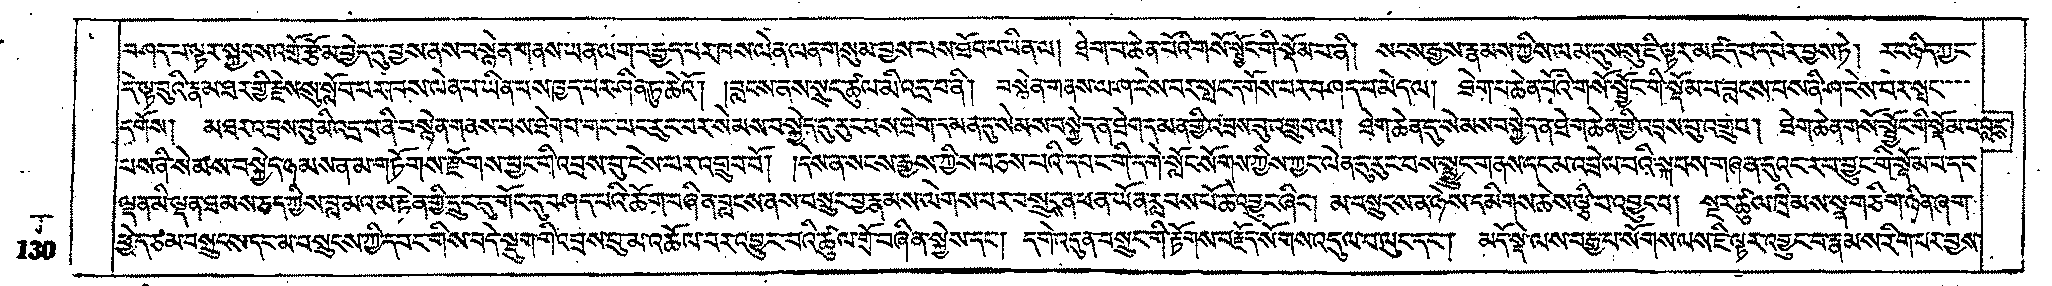བཤད་པ་ལྟར་སྐྱབས་འགྲོ་རྩོམ་བྱེད་དུ་བྱས་ནས་བསྙེན་གནས་ཡན་ལག་བརྒྱད་པར་ཁས་ལེན་ལན་གསུམ་བྱས་པས་ཐོབ་པ་ཡིན་ལ། ཐེག་པ་ཆེན་པོའི་གསོ་སྦྱོང་གི་སྡོམ་པ་ནི། སངས་རྒྱས་རྣམས་ཀྱིས་ལམ་དུས་སུ་ཇི་ལྟར་མཛད་པ་དཔེར་བྱས་ཏེ། རང་ཉིད་ཀྱང་་་
དེ་ལྟ་བུའི་རྣམ་ཐར་གྱི་རྗེས་སུ་སློབ་པར་ཁས་ལེན་པ་ཡིན་པས་ཁྱད་པར་ཤིན་ཏུ་ཆེའོ། །བླངས་ནས་སྲུང་ཚུལ་མི་འདྲ་བ་ནི། བསྙེན་གནས་ལ་ཤ་ངེས་པར་སྤང་དགོས་པར་བཤད་པ་མེད་ལ། ཐེག་པ་ཆེན་པོའི་གསོ་སྦྱོང་གི་སྡོམ་པ་བླངས་པས་ནི་ཤ་ངེས་པར་སྤང་་་
དགོས། མཐར་འབྲས་བུ་མི་འདྲ་བ་ནི་བསྙེན་གནས་པས་ཐེག་པ་གང་ཡང་རུང་བར་སེམས་བསྐྱེད་དུ་རུང་བས་ཐེག་དམན་དུ་སེམས་བསྐྱེད་ན་ཐེག་དམན་གྱི་འབྲས་བུ་འགྲུབ་ལ། ཐེག་ཆེན་དུ་སེམས་བསྐྱེད་ན་ཐེག་ཆེན་གྱི་འབྲས་བུ་འགྲུབ། ཐེག་ཆེན་གསོ་སྦྱོང་གི་སྡོམ་པ་བླངས་
པས་ནི་སེམས་བསྐྱེད་ཉམས་ན་མ་གཏོགས་རྫོགས་བྱང་གི་འབྲས་བུ་ངེས་པར་འགྲུབ་བོ། །དེས་ན་སངས་རྒྱས་ཀྱིས་བཅས་པའི་དབང་གི་དགེ་སློང་སོགས་ཀྱིས་ཀྱང་ལེན་དུ་རུང་བས་སྨྱུང་གནས་དང་མ་འབྲེལ་བའི་སྐབས་གཞན་དུའང་རབ་བྱུང་གི་སྡོམ་པ་དང་
ལྡན་མི་ལྡན་ཐམས་ཅད་ཀྱིས་བླ་མའམ་རྟེན་གྱི་དྲུང་དུ་གོང་དུ་བཤད་པའི་ཆོ་ག་བཞིན་བླངས་ནས་བསྲུང་བྱ་རྣམས་ལེགས་པར་བསྲུངས་ན་ཕན་ཡོན་རླབས་པོ་ཆེ་འབྱུང་ཞིང་། མ་བསྲུངས་ན་ཉེས་དམིགས་ཆེས་ལྕི་བ་འབྱུང་བ། སྔར་ཚུལ་ཁྲིམས་སྣ་གཅིག་ཉིན་ཞག་
ཕྱེད་ཙམ་བསྲུངས་དང་མ་བསྲུངས་ཀྱི་དབང་གིས་བདེ་སྡུག་གི་འབྲས་བུ་མ་འཆོལ་བར་འབྱུང་བའི་ཚུལ་གྲོ་བཞིན་སྐྱེས་དང་། དགེ་འདུན་བསྲུང་གི་རྟོགས་བརྗོད་སོགས་འདུལ་བ་ལུང་དང་། མདོ་སྡེ་ལས་བརྒྱ་པ་སོགས་ལས་ཇི་ལྟར་འབྱུང་བ་རྣམས་རིག་པར་བྱས་